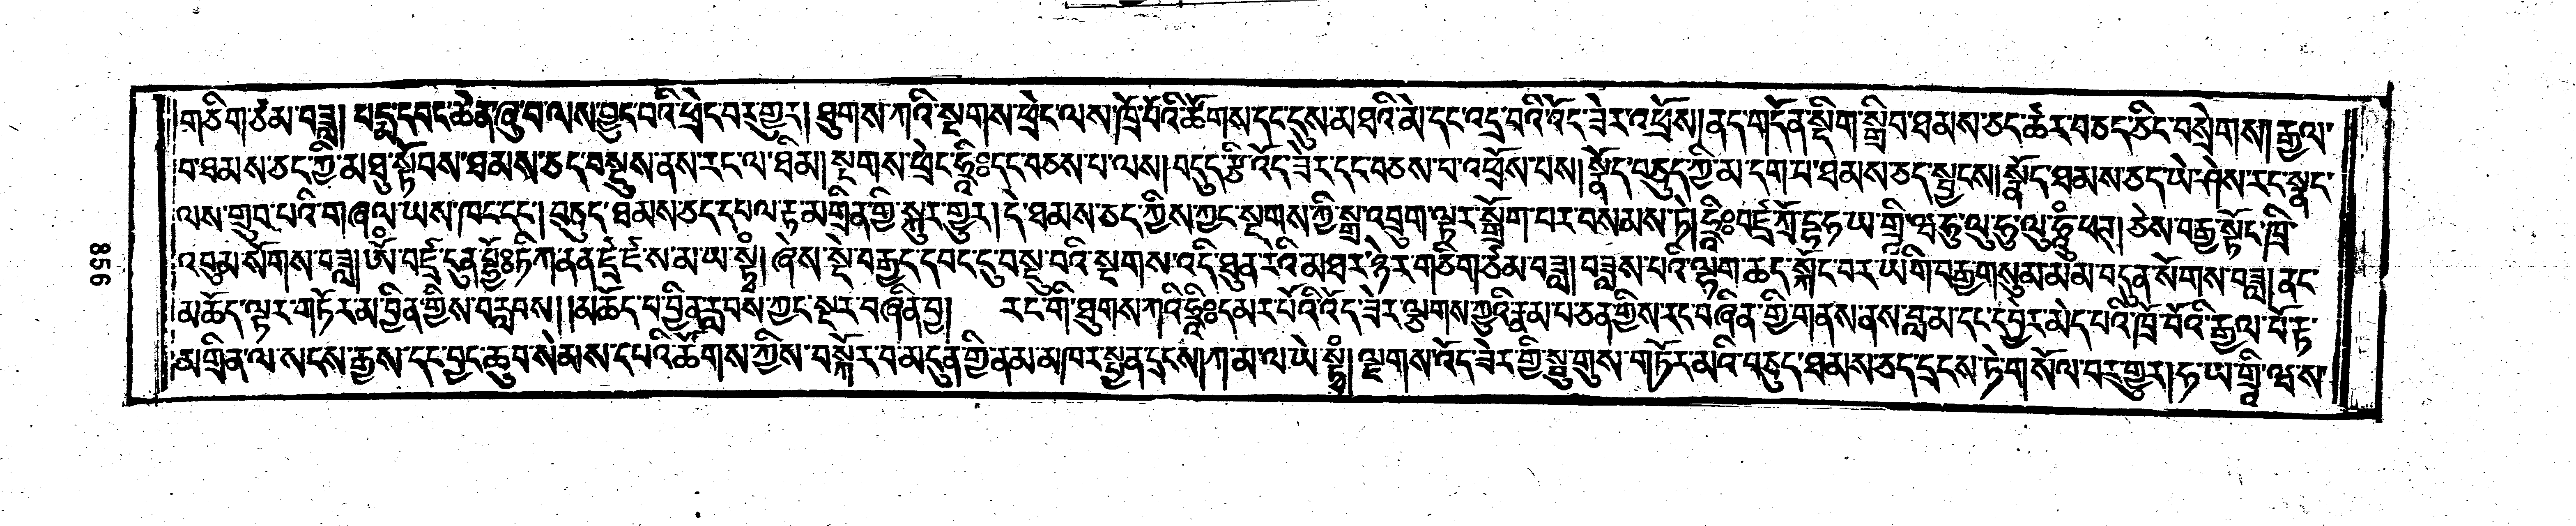གཅིག་ཙམ་བཟླ། པདམ་དབང་ཆེན་ཞུ་བ་ལས་བྱུང་བའི་ཕྲེང་བར་གྱུར། ཐུགས་ཀའི་སྔགས་ཕྲེང་ལས་ཁྲོ་བོའི་ཚོགས་དང་དུས་མཐའི་མེ་དང་འདྲ་བའི་འོད་ཟེར་འཕྲོས། ནད་གདོན་སྡིག་སྒྲིབ་ཐམས་ཅད་ཚར་བཅད་ཅིང་བསྲེགས། རྒྱལ་
བ་ཐམས་ཅད་ཀྱི་མཐུ་སྟོབས་ཐམས་ཅད་བསྡུས་ནས་རང་ལ་ཐིམ། སྔགས་ཕྲེང་ཧྲཱིཿ དང་བཅས་པ་ལས། བདུད་རྩི་འོད་ཟེར་དང་བཅས་པ་འཕྲོས་པས། སྣོད་བཅུད་ཀྱི་མ་དག་པ་ཐམས་ཅད་སྦྱངས། སྣོད་ཐམས་ཅད་ཡ་ཤེས་རང་སྣང་
ལས་གྲུབ་པའི་གཞལ་ཡས་ཁང་དང་། བཅུད་ཐམས་ཅད་དཔལ་རྟ་མགྲིན་གྱི་སྐུར་གྱུར། དེ་ཐམས་ཅད་ཀྱིས་ཀྱང་སྔགས་ཀྱི་སྒྲ་འབྲུག་ལྟར་སྒྲོག་པར་བསམས་ཏེ། ཧྲཱིཿ བཛྲ་ཀྲོ་དྷ་ཧ་ཡ་གྲཱི་ཝ་ཧུ་ལུ་ཧུ་ལུ་ཧཱུཾ་ཕཊ། ཅེས་བརྒྱ་སྟོང་ཁྲི་
འབུམ་སོགས་བཟླ། ཨོཾ་བཛྲ་དུན་བྷྱོཿ ཏི་ཀ་ནན་ཛྲ་ཛ་ས་མ་ཡ་སྟྭཾ། ཞེས་སྡེ་བརྒྱད་དབང་དུ་བསྡུ་པའི་སྔགས་འདི་ཐུན་རེའི་མཐར་ཉེར་གཅིག་ཙམ་བཟླ། བཟླས་པའི་ལྷག་ཆད་སྐོང་བར་ཡིག་བརྒྱ་གསུམ་མམ་བདུན་སོགས་བཟླ། ནང་
མཆོད་ལྟར་གཏོར་མ་བྱིན་གྱིས་བརླབས། །མཆོད་པ་བྱིན་རླབས་ཀྱང་སྔར་བཞིན་བྱ། རང་གི་ཐུགས་ཀའི་ཧྲཱིཿ དམར་པོའི་འོད་ཟེར་ལྕགས་ཀྱུའི་རྣམ་པ་ཅན་གྱིས་རང་བཞིན་གྱི་གནས་ནས་བླ་མ་དང་དབྱེར་མེད་པའི་ཁྲོ་བོའི་རྒྱལ་པོ་རྟ་
མགྲིན་ལ་སངས་རྒྱས་དང་བྱང་ཆུབ་སེམས་དཔའི་ཚོགས་ཀྱིས་བསྐོར་བ་མདུན་གྱི་ནམ་མཁར་སྤྱན་དྲངས། ཀ་མ་ལ་ཡེ་སྟྭཾ། ལྗགས་འོད་ཟེར་གྱི་སྦུ་གུས་གཏོར་མའི་བཅུད་ཐམས་ཅད་དྲངས་ཏེ་གསོལ་བར་གྱུར། ཧ་ཡ་གྲཱི་ཝ་ས་